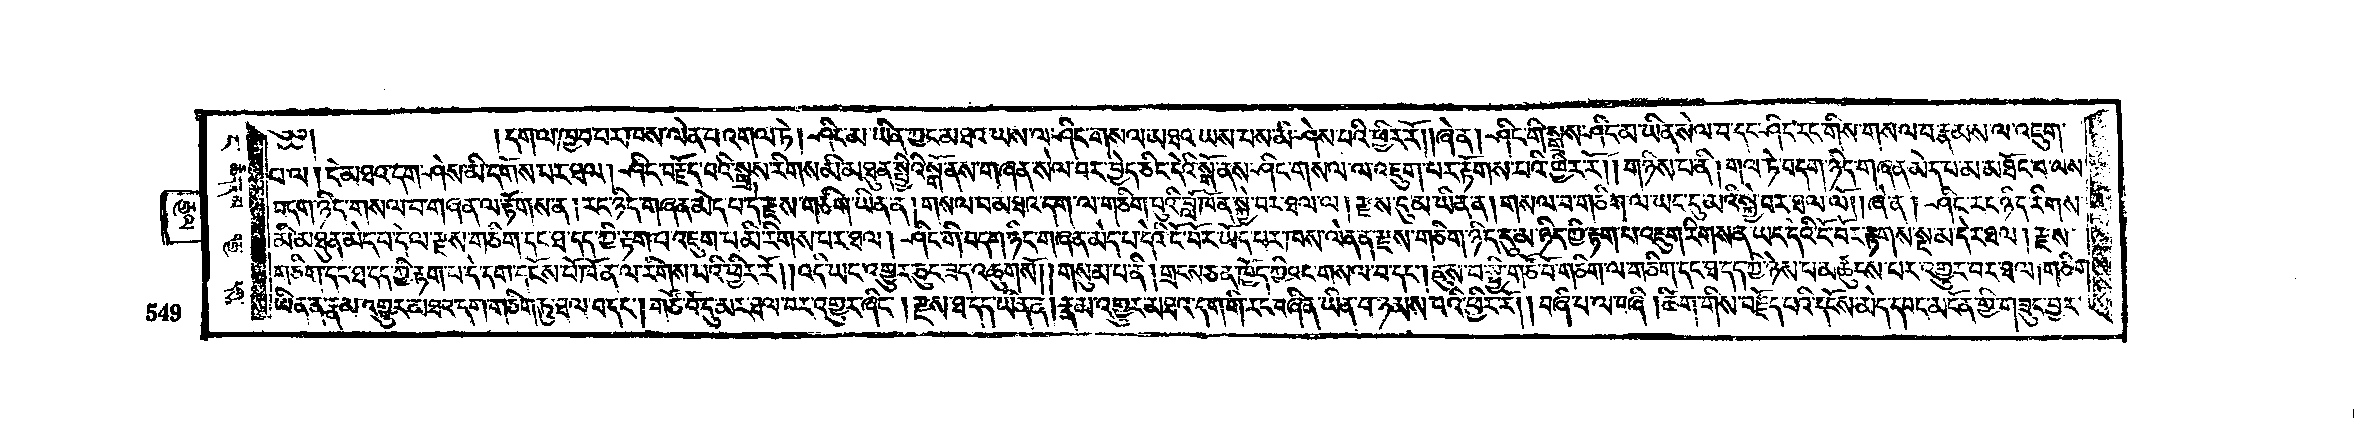༄༅། །དག་ལ་ཁྱད་པར་ཁས་ལེན་པ་འགལ་ཏེ། ཤིང་མ་ཡིན་ཀྱང་མཐའ་ཡས་ལ་ཤིང་གསལ་མཐའ་ཡས་པས་མི་ཤེས་པའི་ཕྱིར་རོ། །ཞེ་ན། ཤིང་གི་སྒྲས་ཤིང་མ་ཡིན་སེལ་བ་དང་ཤིང་རང་གིས་གསལ་བས་རྣམས་ལ་འཇུག་
པ་ལ། དེ་མཐའ་དག་ཤེས་མི་དགོས་པར་ཐལ། །ཤིང་བརྗོད་པའི་སྒྲས་རིགས་མི་མཐུན་སྤྱིའི་སྒོ་ནས་གཞན་སེལ་པར་བྱེད་ཅིང་དེའི་སྒོ་ནས་ཤིང་གསལ་ལ་འཇུག་པར་རྟོགས་པའི་ཕྱིར་རོ། །གཉིས་པ་ནི། གལ་ཏེ་བདག་ཉིད་གཞན་མེད་པ་མ་མཐོང་བ་ལས་
བདག་ཉིད་གསལ་བ་གཞན་ལ་རྟོགས་ན། རང་ཉིད་གཞན་མེད་པ་དེ་རྫས་གཅིག་ཡིན་ན། གསལ་བ་མཐའ་དག་ལ་གཅིག་པུའི་བློ་ཁོ་ན་སྐྱེ་བར་ཐལ་ལ། རྫས་དུ་མ་ཡིན་ན། གསལ་བ་གཅིག་ལ་ཡང་དུ་མའི་སྐྱེ་བར་ཐལ་ལོ། །ཞེ་ན། ཤིང་རང་ཉིད་རིགས་
མི་མཐུན་མེད་པ་དེ་ལ་རྫས་གཅིག་དང་ཐ་དད་ཀྱི་རྟག་པ་འཇུག་པ་མི་རིགས་པར་ཐལ། ཤིང་གི་བདག་ཉིད་གཞན་མེད་པ་དེའི་ངོ་བོར་ཡོད་པར་ཁས་ལེན་ན་རྫས་གཅིག་ཉིད་དུ་མ་ཉིད་ཀྱི་རྟག་པ་འཇུག་རིགས་ན་ཡང་དེའི་ངོ་བོར་རྟགས་སྔ་མ་དེར་ཐལ། རྫས་
གཅིག་དང་ཐ་དད་ཀྱི་རྟག་པ་དེ་དག་དངོས་པོ་ཁོ་ན་ལ་རིགས་པའི་ཕྱིར་རོ། །འདི་ཡང་འགྱུར་ཅུང་ཟད་འཆུག?་སོ། །གསུམ་པ་ནི། གྲངས་ཅན་ཁྱོད་ཀྱིའང་གསལ་བ་དང་། ནུས་པ་སྤྱི་གཙོ་བོ་གཅིག་ལ་གཅིག་དང་ཐ་དད་ཀྱི་ཉེས་པ་མཚུངས་པར་འགྱུར་བར་ཐལ། གཅིག་
ཡིན་ན་རྣམ་འགྱུར་མཐའ་དག་གཅིག་ཏུ་ཐལ་བ་དང་། གཙོ་བོ་དུ་མར་ཐལ་བར་འགྱུར་ཞིང་། རྫས་ཐ་དད་ཡིན་ན། རྣམ་འགྱུར་མཐའ་དག་གི་རང་བཞིན་ཡིན་པ་ཉམས་པའི་ཕྱིར་རོ། །བཞི་པ་ལ་བཞི། ཚིག་གིས་བརྗོད་པའི་དངོས་མེད་དབང་མངོན་གྱི་གཟུང་བྱར་